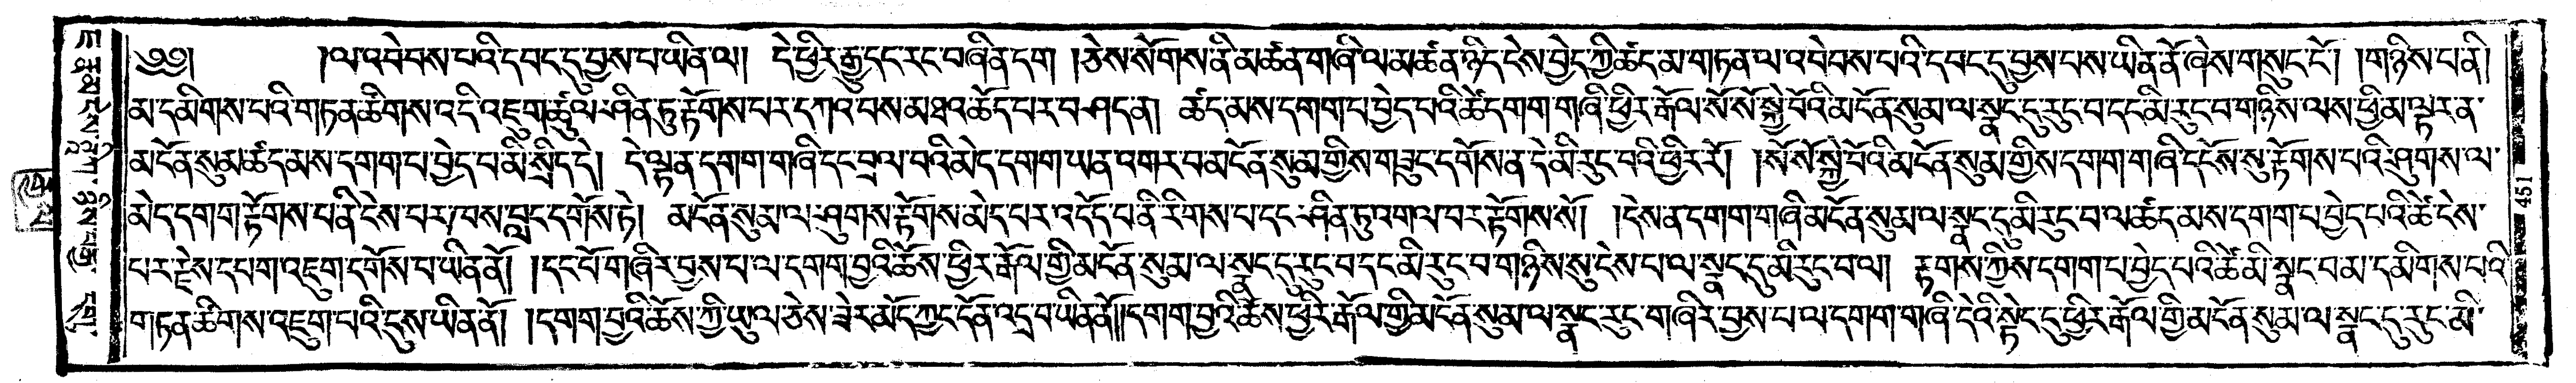༄༅། །ལ་འབེབས་པའི་དབང་དུ་བྱས་པ་ཡིན་ལ། དེ་ཕྱིར་རྒྱུ་དང་རང་བཞིན་དག །ཅེས་སོགས་ནི་མཚན་གཞི་ལ་མཚན་ཉིད་ངེས་བྱེད་ཀྱི་ཚད་མ་གཏན་ལ་འབེབས་པའི་དབང་དུ་བྱས་པས་ཡིན་ནོ་ཞེས་གསུང་ངོ། །གཉིས་པ་ནི།
མ་དམིགས་པའི་གཏན་ཚིགས་འདི་འཇུག་ཚུལ་ཤིན་ཏུ་རྟོགས་པར་དཀའ་བས་མཐའ་ཆོད་པར་བཤད་ན། ཚད་མས་དགག་པ་བྱེད་པའི་ཚེ་དགག་གཞི་ཕྱིར་རྒོལ་སོ་སོ་སྐྱེ་བོའི་མངོན་སུམ་ལ་སྣང་དུ་རུང་བ་དང་མི་རུང་བ་གཉིས་ལས་ཕྱི་མ་ལྟར་ན་
མངོན་སུམ་ཚད་མས་དགག་པ་བྱེད་པ་མི་སྲིད་དེ། དེ་ལྟ་ན་དགག་གཞི་དང་བྲལ་བའི་མེད་དགག་ཡན་འགར་བ་མངོན་སུམ་གྱིས་གཟུང་དགོས་ན་དེ་མི་རུང་བའི་ཕྱིར་རོ། །སོ་སོ་སྐྱེ་བོའི་མངོན་སུམ་གྱིས་དགག་གཞི་དངོས་སུ་རྟོགས་པའི་ཤུགས་ལ་
མེ་དགག་རྟོགས་པ་ནི་ངེས་པར་ཁས་བླང་དགོས་ཏེ། མངོན་སུམ་ལ་ཤུགས་རྟོགས་མེད་པར་འདོད་པ་ནི་རིགས་པ་དང་ཤིན་ཏུ་འགལ་བར་རྟོགས་སོ། །དེས་ན་དགག་གཞི་མངོན་སུམ་ལ་སྣང་དུ་མི་རུང་བ་ལ་ཚད་མས་དགག་པ་བྱེད་པའི་ཚེ་ངེས་
པར་རྗེས་དཔག་འཇུག་དགོས་པ་ཡིན་ནོ། །དང་པོ་གཞིར་བྱས་པ་ལ་དགག་བྱའི་ཆོས་ཕྱིར་རྒོལ་གྱི་མངོན་སུམ་ལ་སྣང་དུ་རུང་བ་དང་མི་རུང་བ་གཉིས་སུ་ངེས་པ་ལ་སྣང་དུ་མི་རུང་བ་ལ། རྟགས་ཀྱིས་དགག་པ་བྱེད་པའི་ཚེ་མི་སྣང་བ་མ་དམིགས་པའི་
གཏན་ཚིགས་འཇུག་པའི་དུས་ཡིན་ནོ། །དགག་བྱའི་ཆོས་ཀྱི་ཡུལ་ཅེས་ཟེར་མོད་ཀྱང་དོན་འདྲ་བ་ཡིན་ནོ། །དགག་བྱའི་ཆོས་ཕྱིར་རྒོལ་གྱི་མངོན་སུམ་ལ་སྣང་རུང་གཞིར་བྱས་པ་ལ་དགག་གཞི་དེའི་སྟེང་དུ་ཕྱིར་རྒོལ་གྱི་མངོན་སུམ་ལ་སྣང་དུ་རུང་མི་